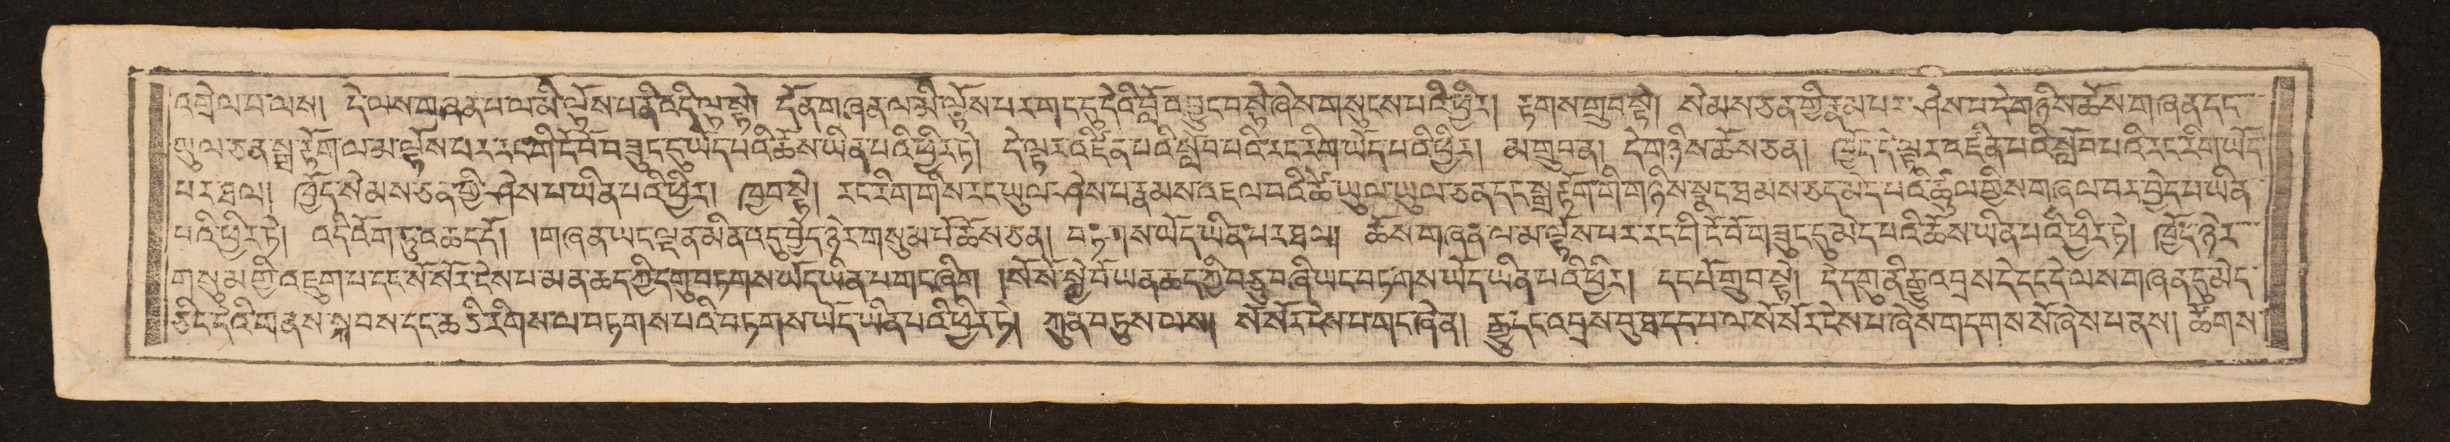འགྲེལ་བ་ལས། དེ་ལས་གཞན་པ་ལ་མི་ལྟོས་པ་ནི་འདི་ལྟ་སྟེ། དོན་གཞན་ལ་མི་ལྟོས་པར་གང་དུ་དེའི་བློ་འབྱུང་བ་སྟེ་ཞེས་གསུངས་པའི་ཕྱིར། རྟགས་གྲུབ་སྟེ། སེམས་ཅན་གྱི་རྣམ་པར་ཤེས་པ་དེ་གཉིས་ཆོས་གཞན་དང་
ཡུལ་ཅན་སྒྲ་རྟོག་ལ་མ་ལྟོས་པར་རང་གི་ངོ་བོ་བཟུང་དུ་ཡོད་པའི་ཆོས་ཡིན་པའི་ཕྱིར་ཏེ། དེ་ལྟར་འཛིན་པའི་སློབ་པའི་རང་རིག་ཡོད་པའི་ཕྱིར། མ་གྲུབ་ན། དེ་གཉིས་ཆོས་ཅན། ཁྱོད་དེ་ལྟར་འཛིན་པའི་སློབ་པའི་རང་རིག་ཡོད་
པར་ཐལ། ཁྱོད་སེམས་ཅན་གྱི་ཤེས་པ་ཡིན་པའི་ཕྱིར། ཁྱབ་སྟེ། རང་རིག་གིས་རང་ཡུལ་ཤེས་པ་རྣམས་འཇལ་བའི་ཚེ་ཡུལ་ཡུལ་ཅན་དང་སྒྲ་རྟོག་གི་གཉིས་སྣང་ཐམས་ཅད་མེད་པའི་ཚུལ་གྱིས་གཞལ་བར་བྱེད་པ་ཡིན་
པའི་ཕྱིར་ཏེ། འདི་འོག་ཏུ་འཆད་དོ། །གཞན་ཡང་ལྡན་མིན་འདུ་བྱེད་ཉེར་གསུམ་པོ་ཆོས་ཅན། བཏགས་ཡོད་ཡིན་པར་ཐལ། ཆོས་གཞན་ལ་མ་ལྟོས་པར་རང་གི་ངོ་བོ་གཟུང་དུ་མེད་པའི་ཆོས་ཡིན་པའི་ཕྱིར་ཏེ། ཁྱོད་ཉེར་
གསུམ་གྱི་འཇུག་པ་དང་སོ་སོར་ངེས་པ་མན་ཆད་ཀྱི་དགུ་བཏགས་ཡོད་ཡིན་པ་གང་ཞིག །སོ་སོ་སྐྱེ་བོ་ཡན་ཆད་ཀྱི་བཅུ་བཞི་ཡང་བཏགས་ཡོད་ཡིན་པའི་ཕྱིར། དང་པོ་གྲུབ་སྟེ། དེ་དགུ་ནི་རྒྱུ་འབྲས་དེ་དང་དེ་ལས་གཞན་དུ་མེད་
ཅིང་དེའི་གནས་སྐབས་དང་ཆ་ཅི་རིགས་ལ་བཏགས་པའི་བཏགས་ཡོད་ཡིན་པའི་ཕྱིར་ཏེ། ཀུན་བཏུས་ལས། སོ་སོར་ངེས་པ་གང་ཞེ་ན། རྒྱུ་དང་འབྲས་བུ་ཐ་དད་པ་ལ་སོ་སོར་ངེས་པ་ཞེས་གདགས་སོ་ཞེས་པ་ནས། ཚོགས་